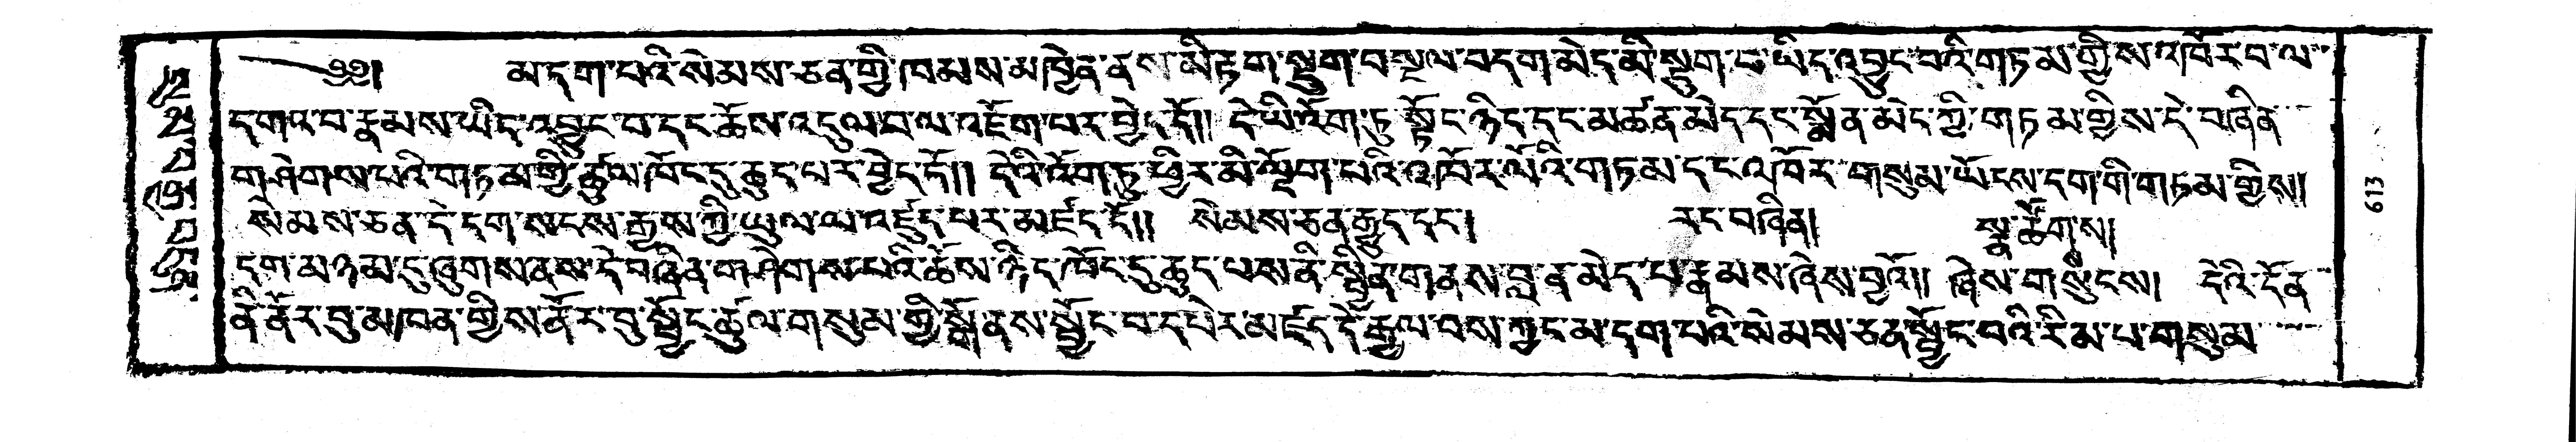༄༅། །མ་དག་པའི་སེམས་ཅན་གྱི་ཁམས་མཁྱེན་ནས་མི་རྟག་སྡུག་བསྔལ་བདག་མེད་མི་སྡུག་པ་ཡིད་འབྱུང་བའི་གཏམ་གྱིས་འཁོར་བ་ལ་
དགའ་བ་རྣམས་ཡིད་འབྱུང་བ་དང་ཆོས་འདུལ་བ་ལ་འཇོག་པར་བྱེད་དོ།། དེ་ཡི་འོག་ཏུ་སྟོང་ཉིད་དང་མཚན་མེད་དང་སྨོན་མེད་ཀྱི་གཏམ་གྱིས་དེ་བཞིན་
གཤེགས་པའི་གཏམ་གྱི་ཚུལ་ཁོང་དུ་ཆུད་པར་བྱེད་དོ།། དེའི་འོག་ཏུ་ཕྱིར་མི་ལྡོག་པའི་འཁོར་ལོའི་གཏམ་དང་འཁོར་གསུམ་ཡོངས་དག་གི་གཏམ་གྱིས།
སེམས་ཅན་དེ་དག་སངས་རྒྱས་ཀྱི་ཡུལ་ལ་འཛུད་པར་མཛད་དོ། །སེམས་ཅན་རྒྱུད་དང་། རང་བཞིན། སྣ་ཚོགས་ས།
དག་མཉམ་དུ་ཞུགས་ནས་དེ་བཞིན་གཤེགས་པའི་ཆོས་ཉིད་ཁོང་དུ་ཆུད་པས་ནི་སྦྱིན་གནས་བླ་ན་མེད་པ་རྣམས་ཞེས་བྱའོ།། ཞེས་གསུངས། དེའི་དོན་
ནི་ནོར་བུ་མཁན་གྱིས་ནོར་བུ་སྦྱོང་ཚུལ་གསུམ་གྱི་སྒོ་ནས་སྦྱོང་བ་དཔེར་མཛད་དེ་རྒྱལ་བས་ཀྱང་མ་དག་པའི་སེམས་ཅན་སྦྱོང་བའི་རིམ་པ་གསུམ་